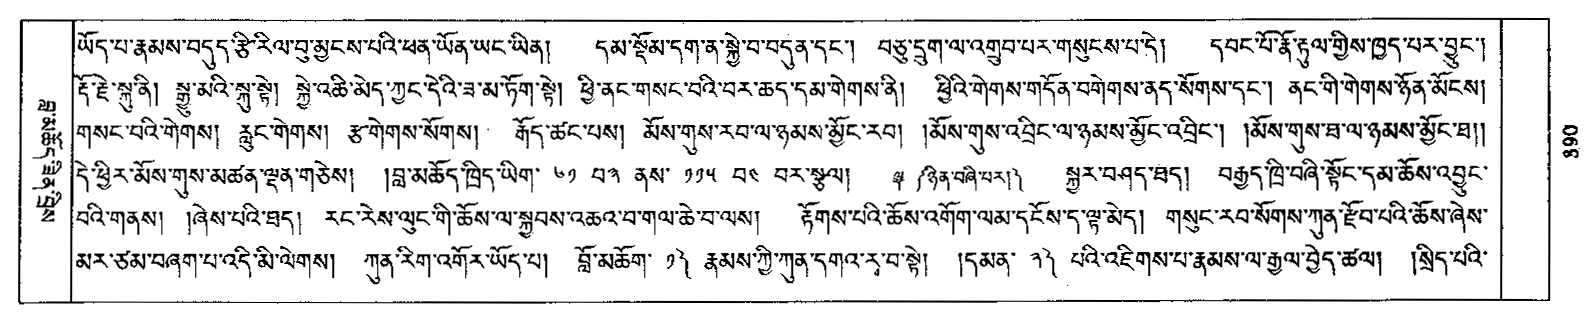ཡོད་པ་རྣམས་བདུད་རྩི་རིལ་བུ་མྱངས་པའི་ཕན་ཡོན་ཡང་ཡིན། དམ་སྡོམ་དག་ན་སྐྱེ་བ་བདུན་དང་། བཅུ་དྲུག་ལ་འགྲུབ་པར་གསུངས་པ་དེ། དབང་པོ་རྣོ་རྟུལ་གྱིས་ཁྱད་པར་བྱུང་།
རྡོ་རྗེ་སྐུ་ནི། སྒྱུ་མའི་སྐུ་སྟེ། སྐྱེ་འཆི་མེད་ཀྱང་དེའི་ཟ་མ་ཏོག་སྟེ། ཕྱི་ནང་གསང་བའི་བར་ཆད་དམ་གེགས་ནི། ཕྱིའི་གེགས་གདོན་བགེགས་ནད་སོགས་དང་། ནང་གི་གེགས་ཉོན་མོངས།
གསང་བའི་གེགས། རླུང་གེགས། རྩ་གེགས་སོགས། རྒོད་ཚང་པས། མོས་གུས་རབ་ལ་ཉམས་མྱོང་རབ། །མོས་གུས་འབྲིང་ལ་ཉམས་མྱོང་འབྲིང་། །མོས་གུས་ཐ་ལ་ཉམས་མྱོང་ཐ།།
དེ་ཕྱིར་མོས་གུས་མཚན་ལྡན་གཅེས། །བླ་མཆོད་ཁྲིད་ཡིག ༦༡་བ ༣་ནས ༡༡༥་བ ༤་བར་སྩལ། ༈ ཉིན་བཞི་པར།?་སྐྱར་བཤད་ཐད། བརྒྱད་ཁྲི་བཞི་སྟོང་དམ་ཆོས་འབྱུང་
བའི་གནས། །ཞེས་པའི་ཐད། རང་རེས་ལུང་གི་ཆོས་ལ་སྐྱབས་འཆའ་བ་གལ་ཆེ་བ་ལས། རྟོགས་པའི་ཆོས་འགོག་ལམ་དངོས་ད་ལྟ་མེད། གསུང་རབ་སོགས་ཀུན་རྫོབ་པའི་ཆོས་ཞེས་
མར་ཙམ་བཞག་པ་འདི་མི་ལེགས། ཀུན་རིག་འགོར་ཡོད་པ། བློ་མཆོག ༡?་རྣམས་ཀྱི་ཀུན་དགའ་རྭ་བ་སྟེ། །དམན ༢?་པའི་འཇིགས་པ་རྣམས་ལ་རྒྱལ་བྱེད་ཚལ། །སྲིད་པའི་